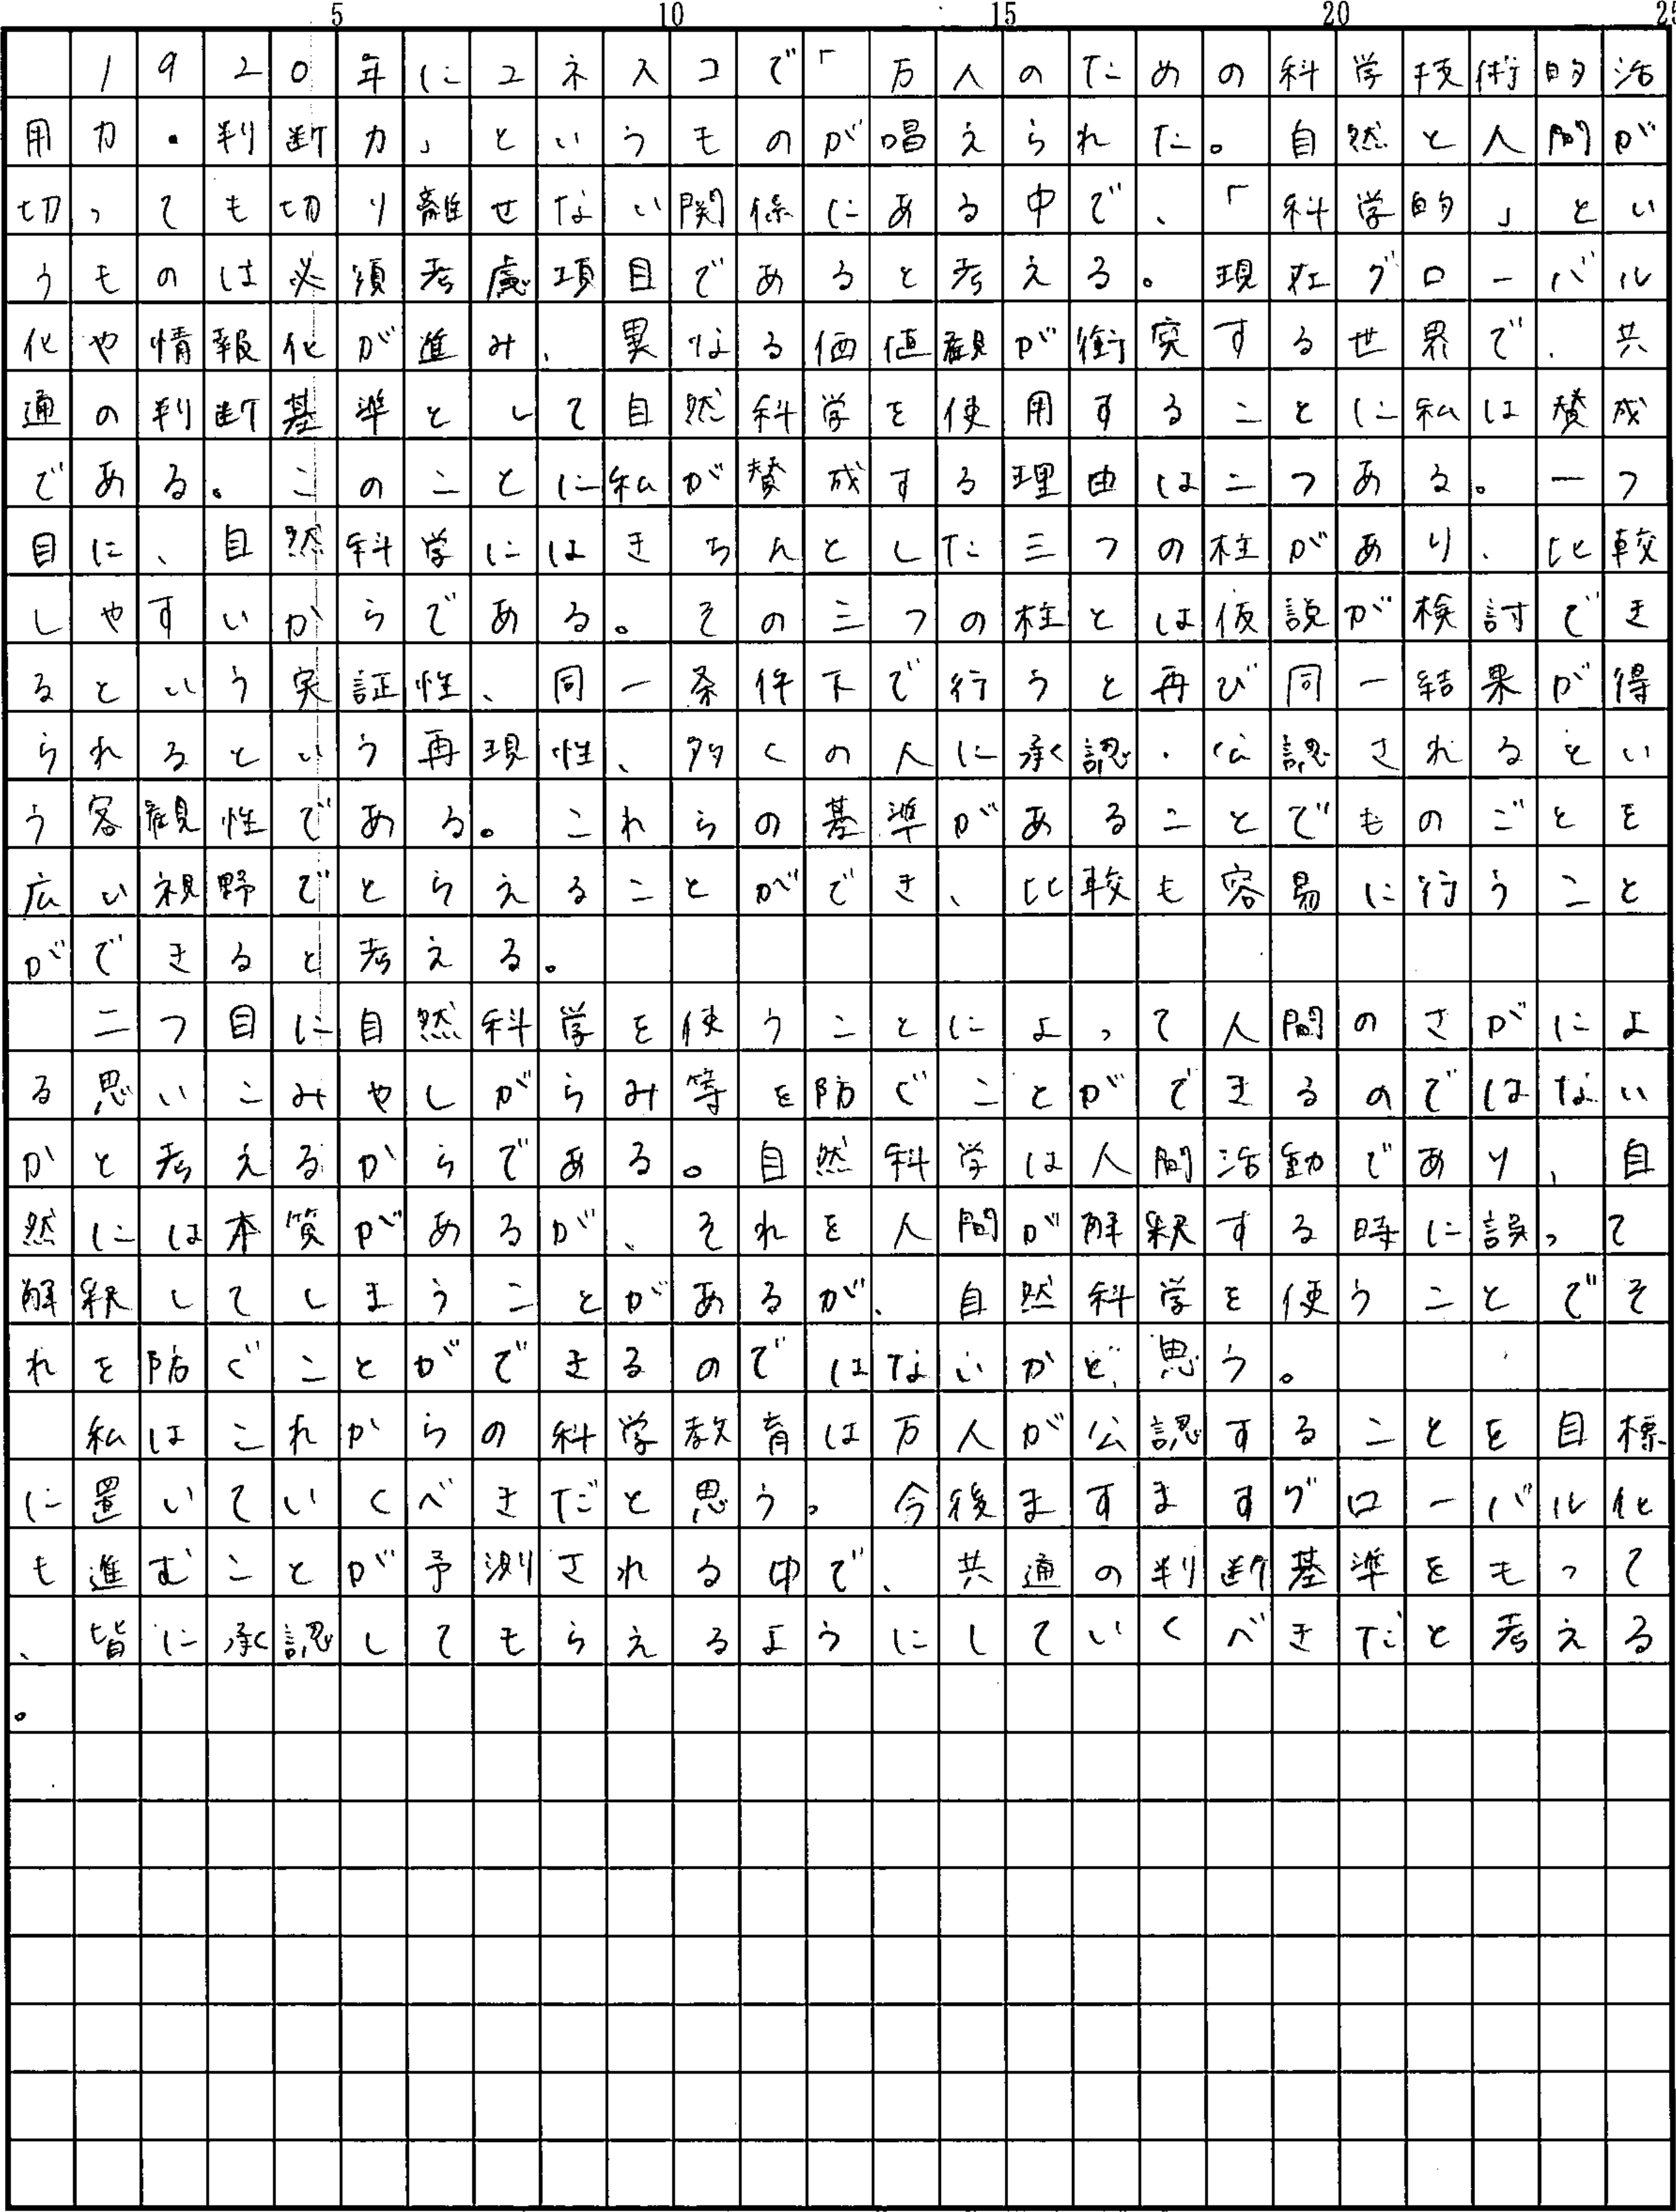　１９２０年にユネスコで「万人のための科学技術的活用力・判断力」というものが唱えられた。自然と人間が切っても切り離せない関係にある中で、「科学的」というものは必須考慮項目であると考える。現在グローバル化や情報化が進み、異なる価値観が衝突する世界で、共通の判断基準として自然科学を使用することに私は賛成である。このことに私が賛成する理由は二つある。一つ目に、自然科学にはきちんとした三つの柱があり、比較しやすいからである。その三つの柱とは仮説が検討できるという実証性、同一条件化で行うと再び同一結果が得られるという再現性、多くの人に承認・公認されるという客観性である。これらの基準があることでものごとを広い視野でとらえることができ、比較も容易に行うことができると考える。
　二つ目に自然科学を使うことによって人間のさがによる思いこみやしがらみ等を防ぐことができるのではないかと考えるからである。自然科学は人間活動であり、自然には本質があるが、それを人間が解釈する時に誤って解釈してしまうことがあるが、自然科学を使うことでそれを防ぐことができるのではないかと思う。
　私はこれからの科学教育は万人が公認することを目標に置いていくべきだと思う。今後ますますグローバル化も進むことが予測される中で、共通の判断基準をもって、皆に承認してもらえるようにしていくべきだと考える。
